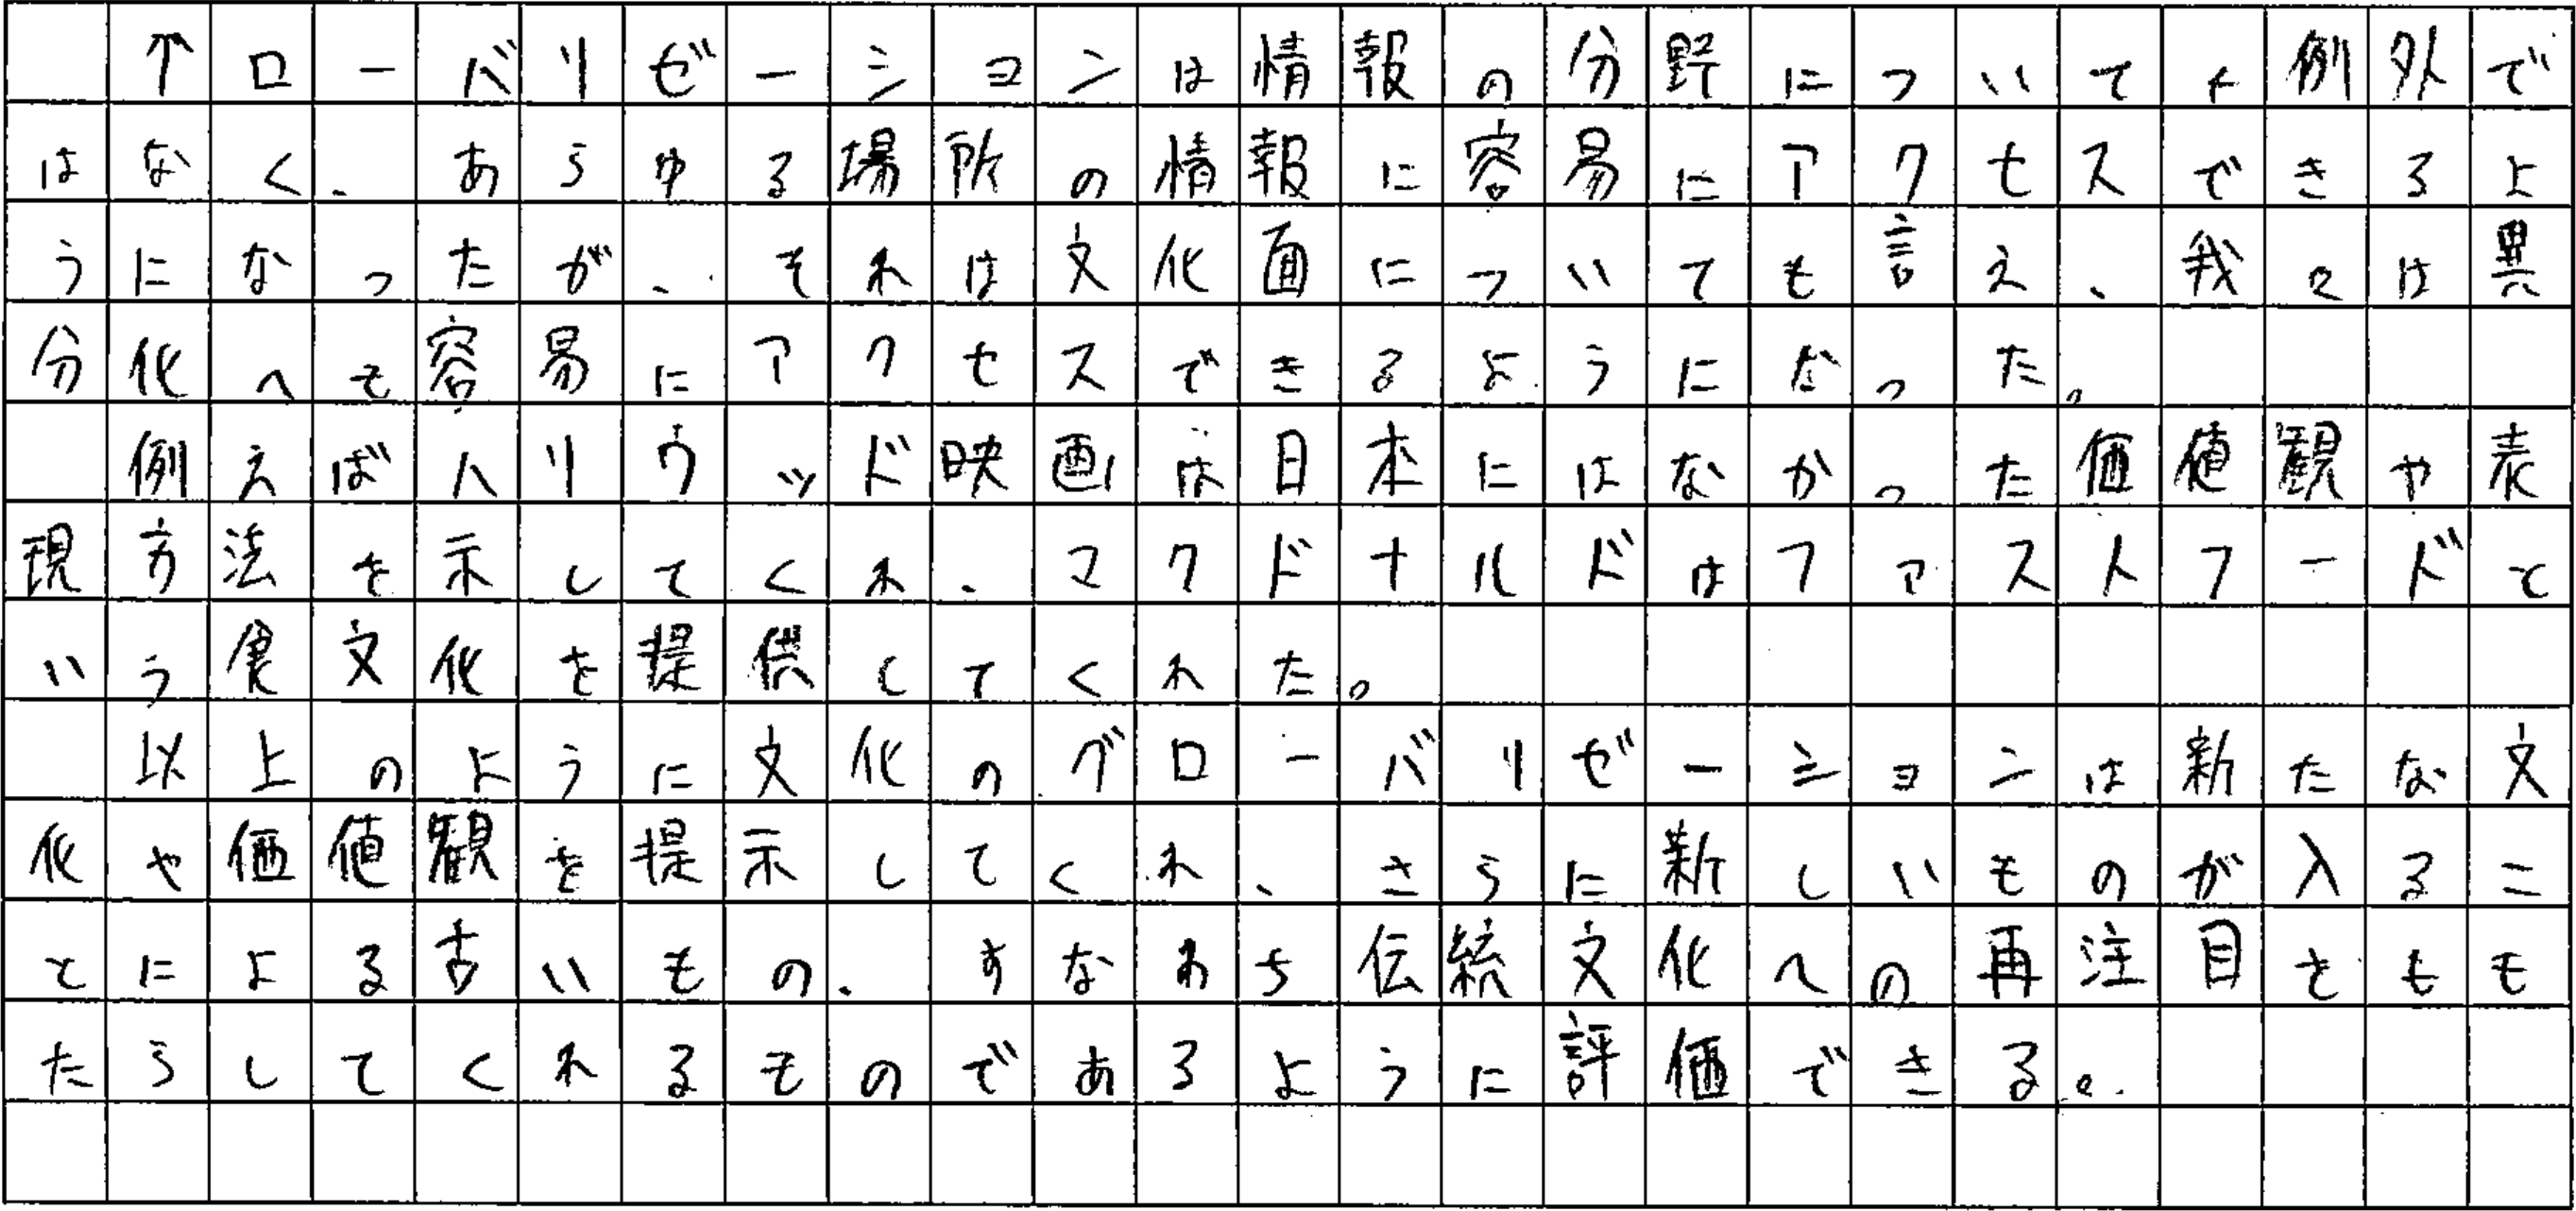　グローバリゼーションは情報の分野についても例外ではなく、あらゆる場所の情報に容易にアクセスできるようになったが、それは文化面についても言え、我々は異分化へも容易にアクセスできるようになった。
　例えばハリウッド映画は日本にはなかった価値観や表現方法を示してくれ、マクドナルドはファストフードという食文化を提供してくれた。
　以上のように文化のグローバリゼーションは新たな文化や価値観を提供してくれ、さらに新しいものが入ることによる古いもの、すなわち伝統文化への再注目をももたらしてくれるものであるように評価できる。
